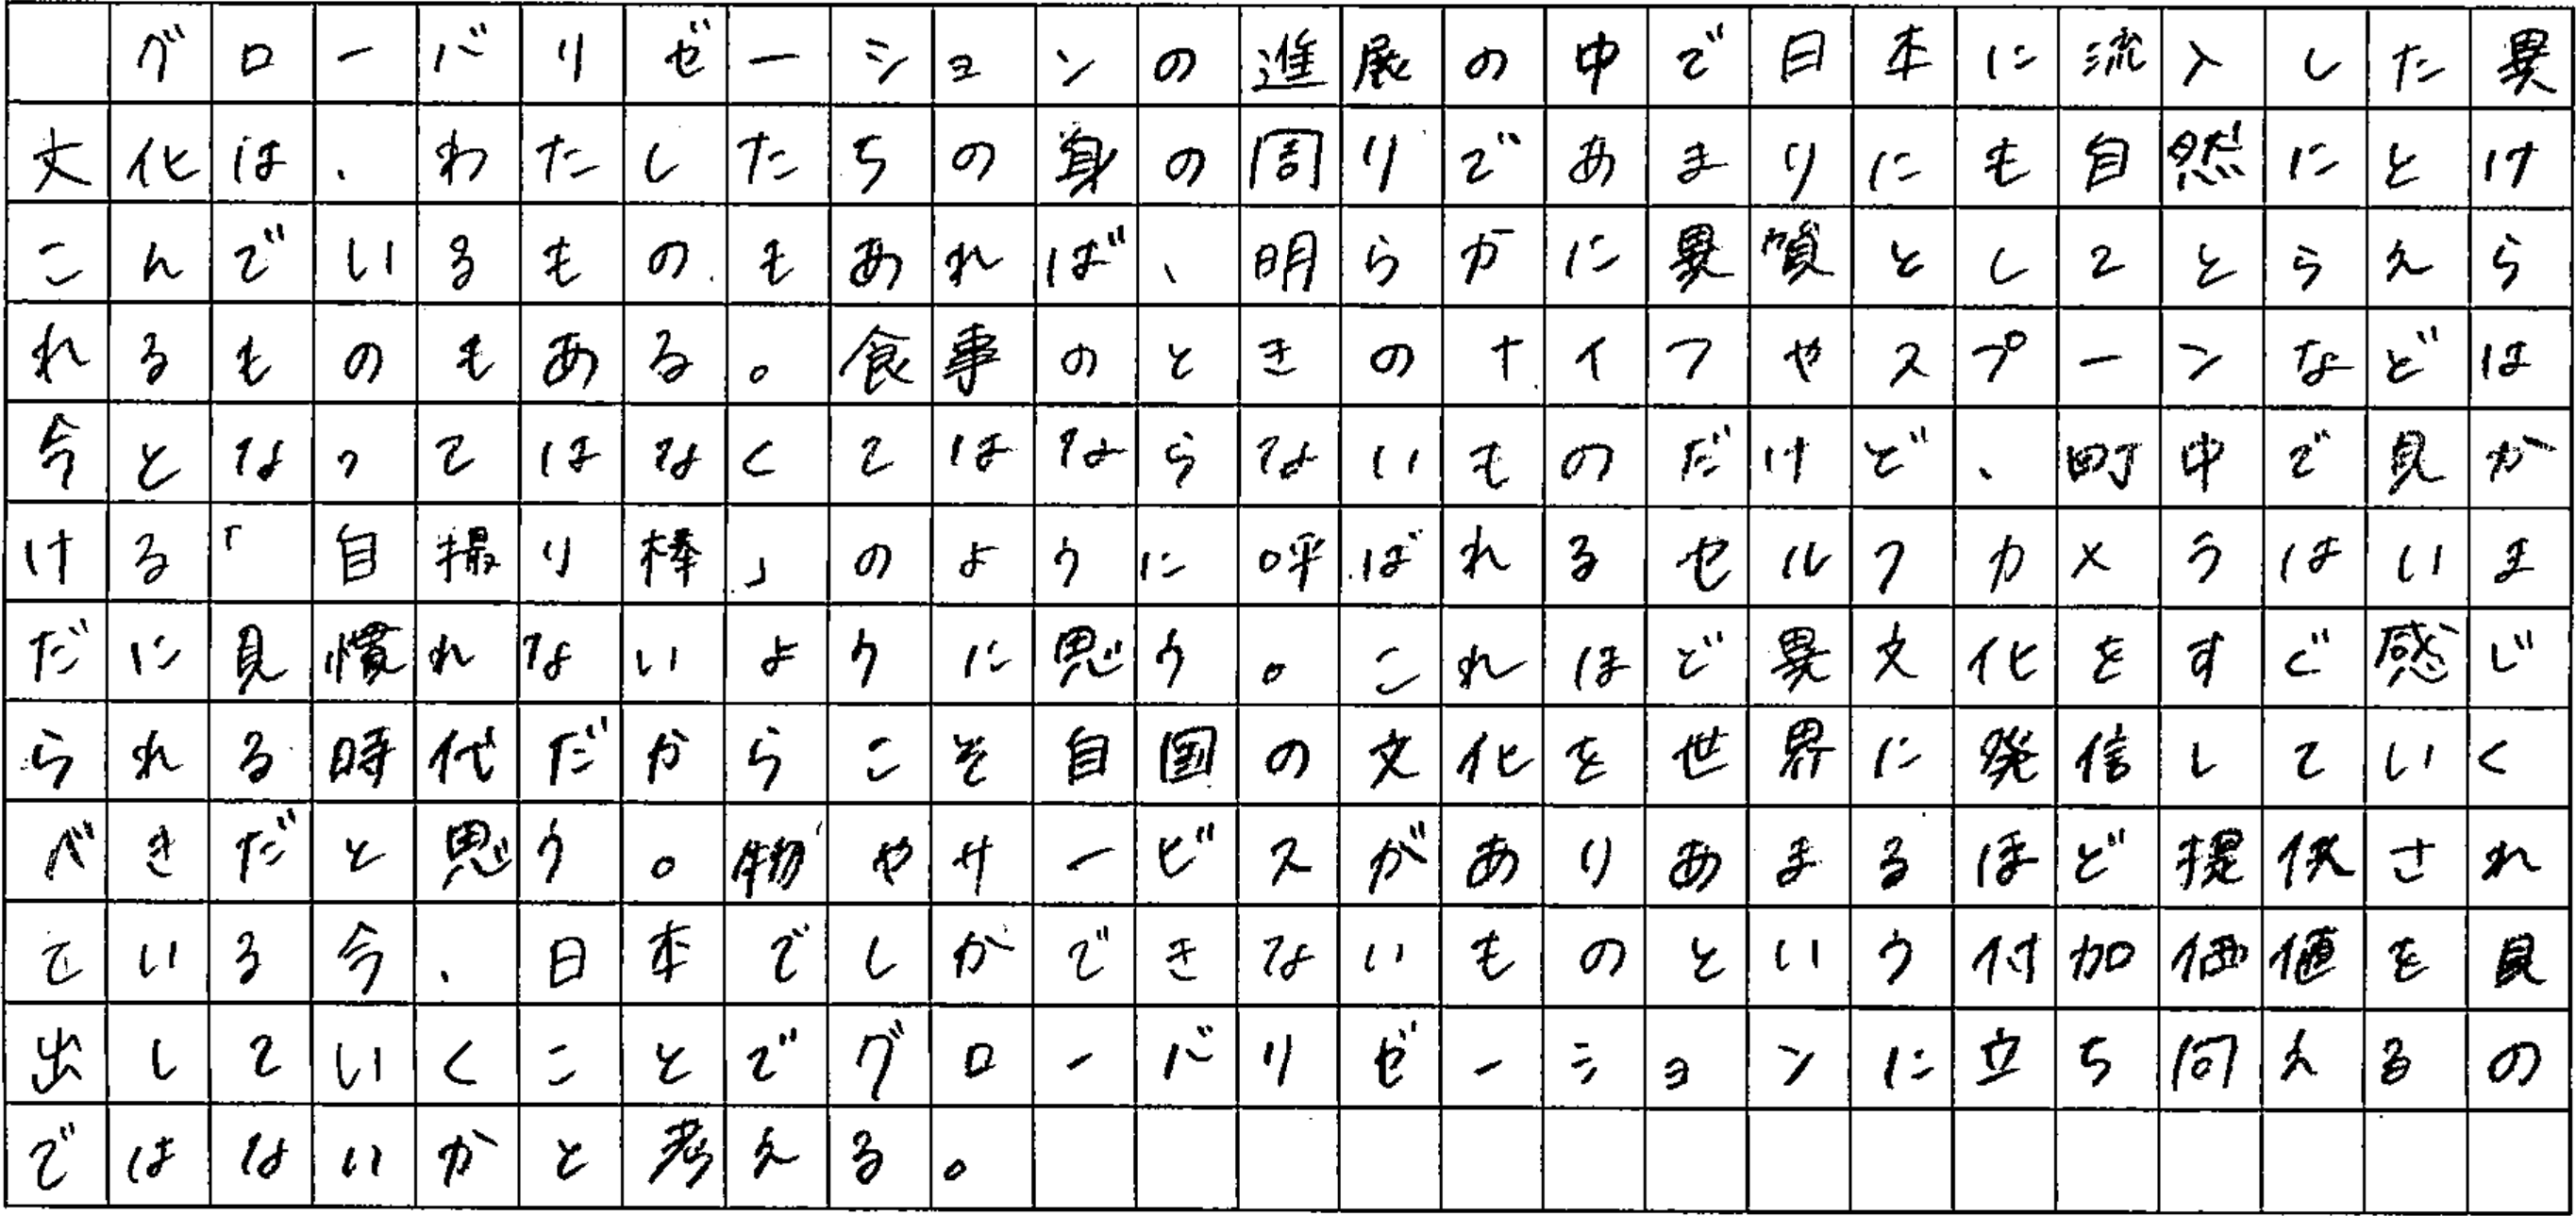　グローバリゼーションの進展の中で日本に流入した異文化は、わたしたちの身の周りであまりにも自然にとけこんでいるものもあれば、明らかに異質としてとらえられるものもある。食事のときのナイフやスプーンなどは今となってはなくてはならないものだけど、町中で見かける「自撮り棒」のように呼ばれるセルフカメラはいまだに見慣れないように思う。これほど異文化をすぐ感じられる時代だからこそ自国の文化を世界に発信していくべきだと思う。物やサービスがありあまるほど提供されている今、日本でしかできないものという付加価値を見出していくことでグローバリゼーションに立ち向えるのではないかと考える。
